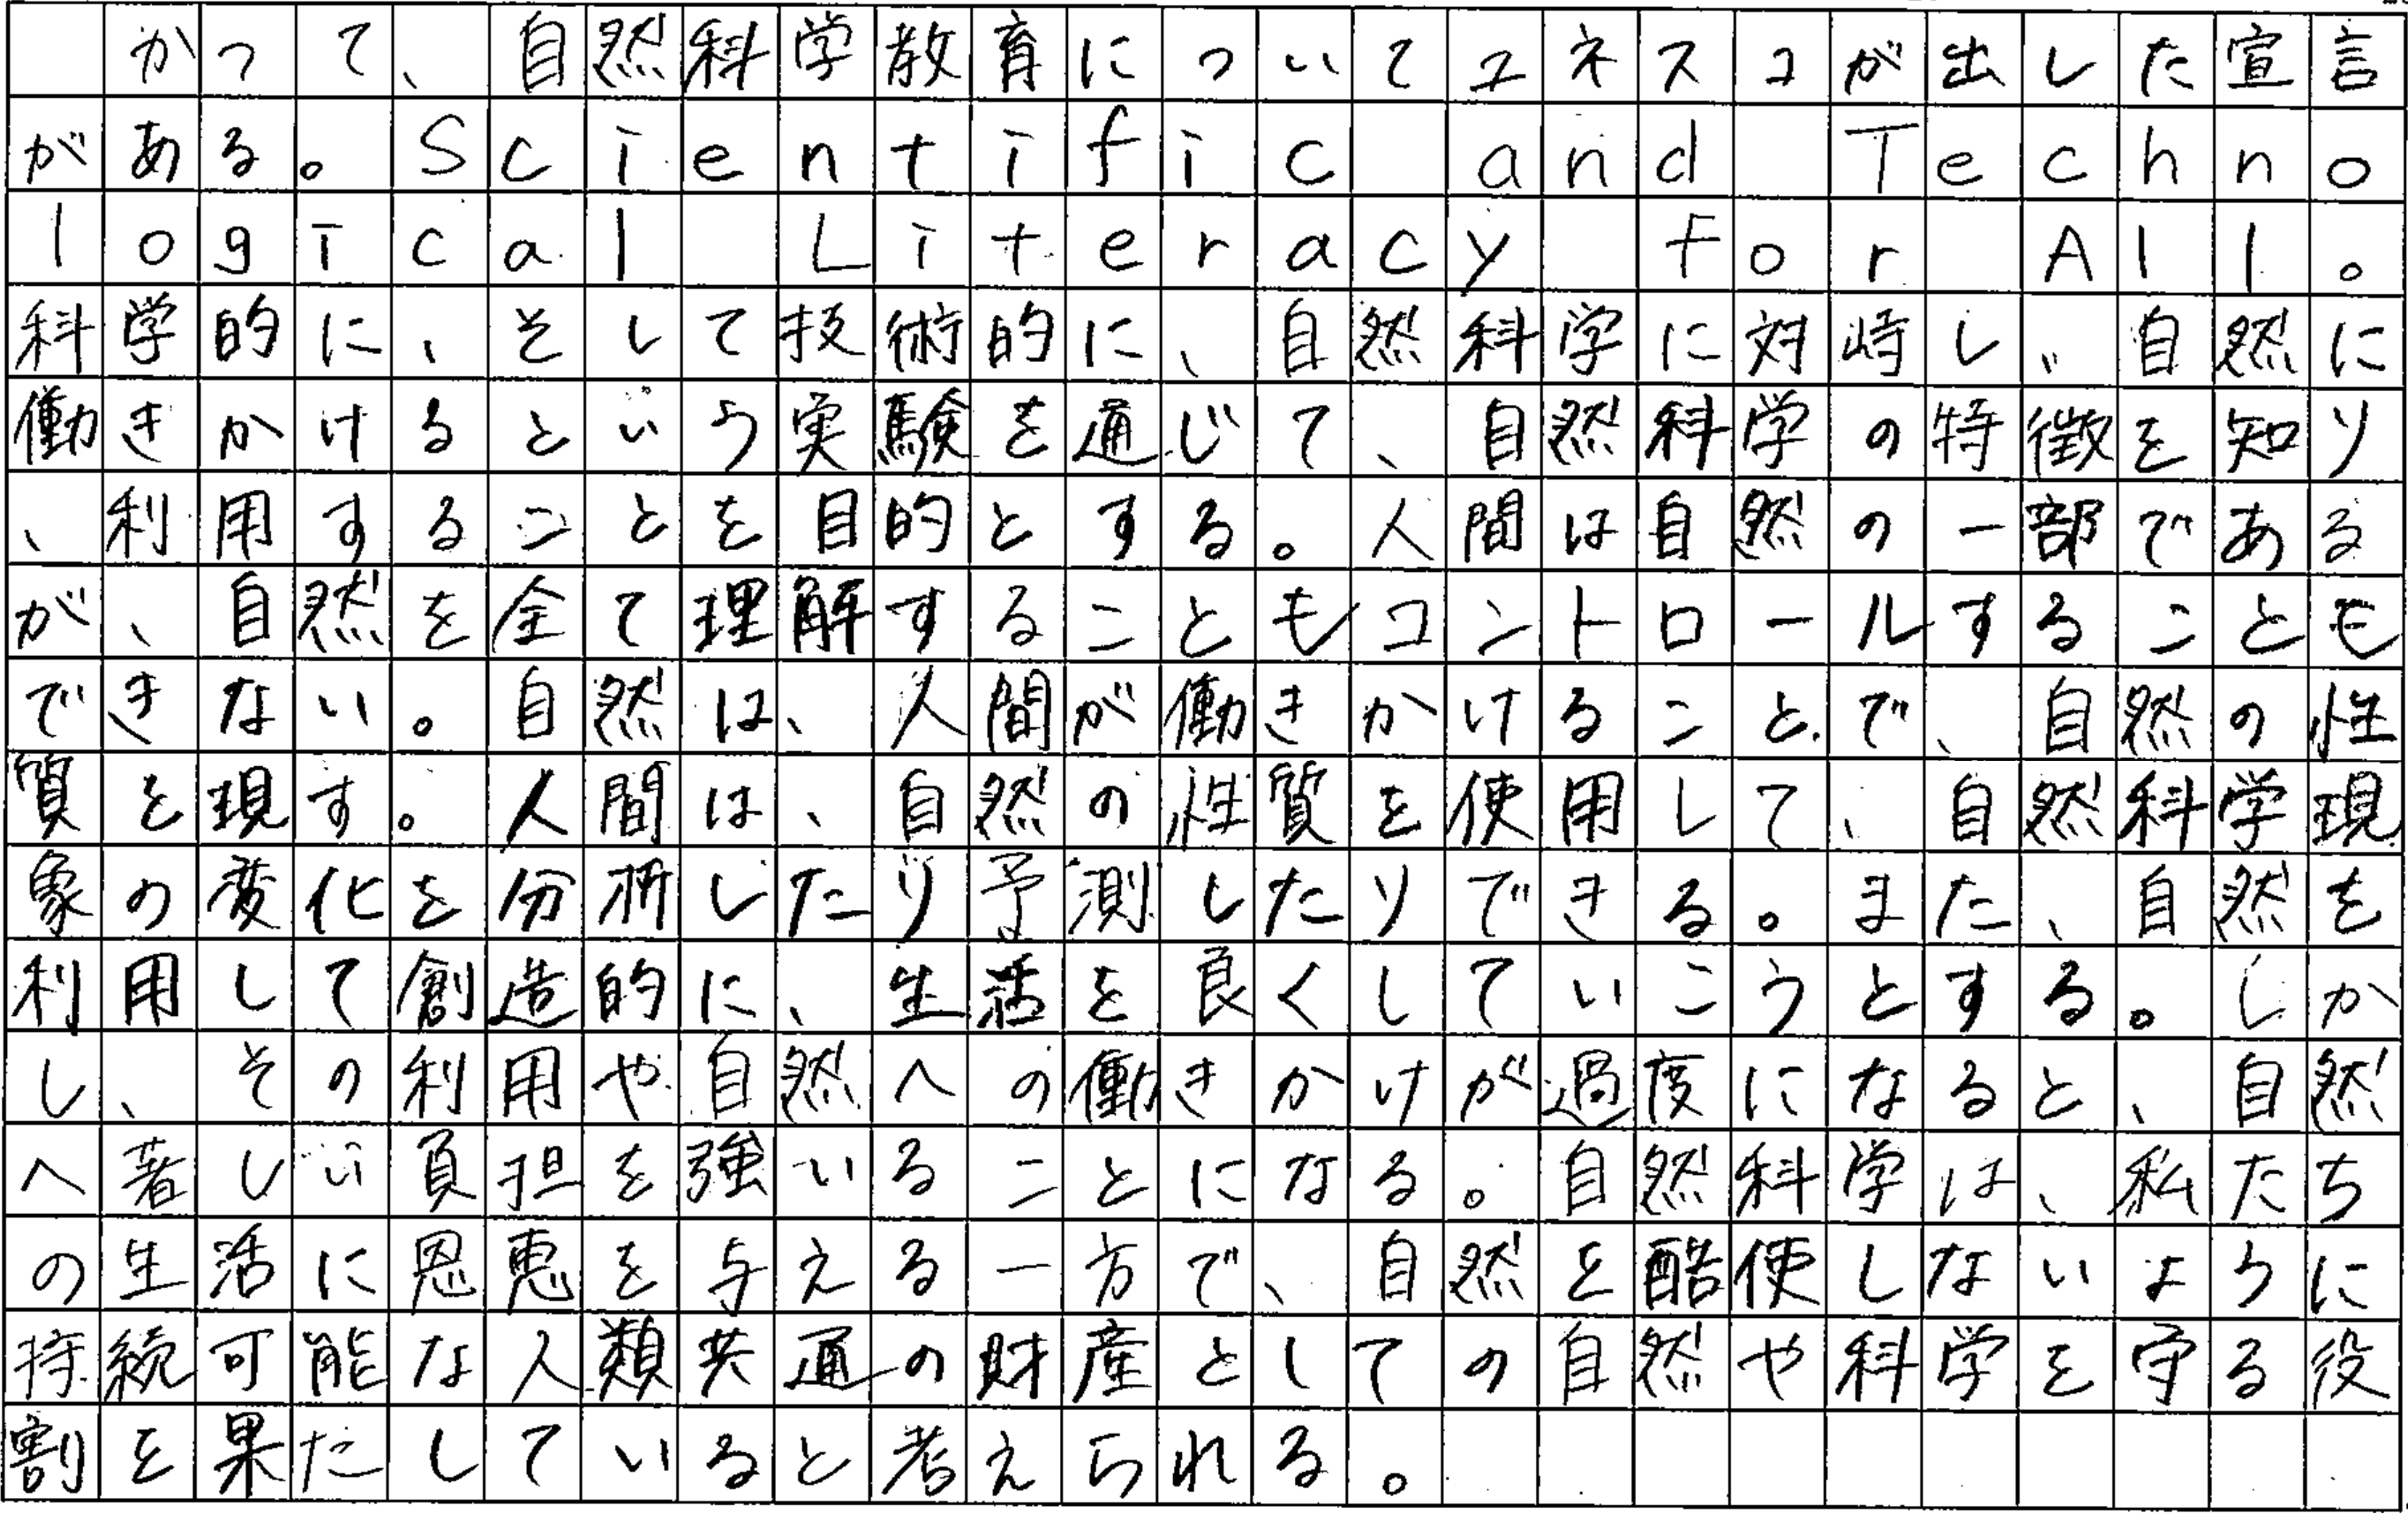　かつて、自然科学教育についてユネスコが出した宣言がある。Ｓｃｉｅｎｔｉｆｉｃ　ａｎｄ　Ｔｅｃｈｎｏｌｏｇｉｃａｌ　Ｌｉｔｅｒａｃｙ　ｆｏｒ　Ａｌｌ。科学的に、そして技術的に、自然科学に対峙し、自然に働きかけるという実験を通じて、自然科学の特徴を知り、利用することを目的とする。人間は自然の一部であるが、自然を全て理解することもコントロールすることもできない。自然は、人間が働きかけることで、自然の性質を現す。人間は、自然の性質を使用して、自然科学現象の変化を分析したり予測したりできる。また、自然を利用して創造的に、生活を良くしていこうとする。しかし、その利用や自然への働きかけが過度になると、自然へ著しい負担を強いることになる。自然科学は、私たちの生活に恩恵を与える一方で、自然を酷使しないように持続可能な人類共通の財産としての自然や科学を守る役割を果たしていると考えられる。
